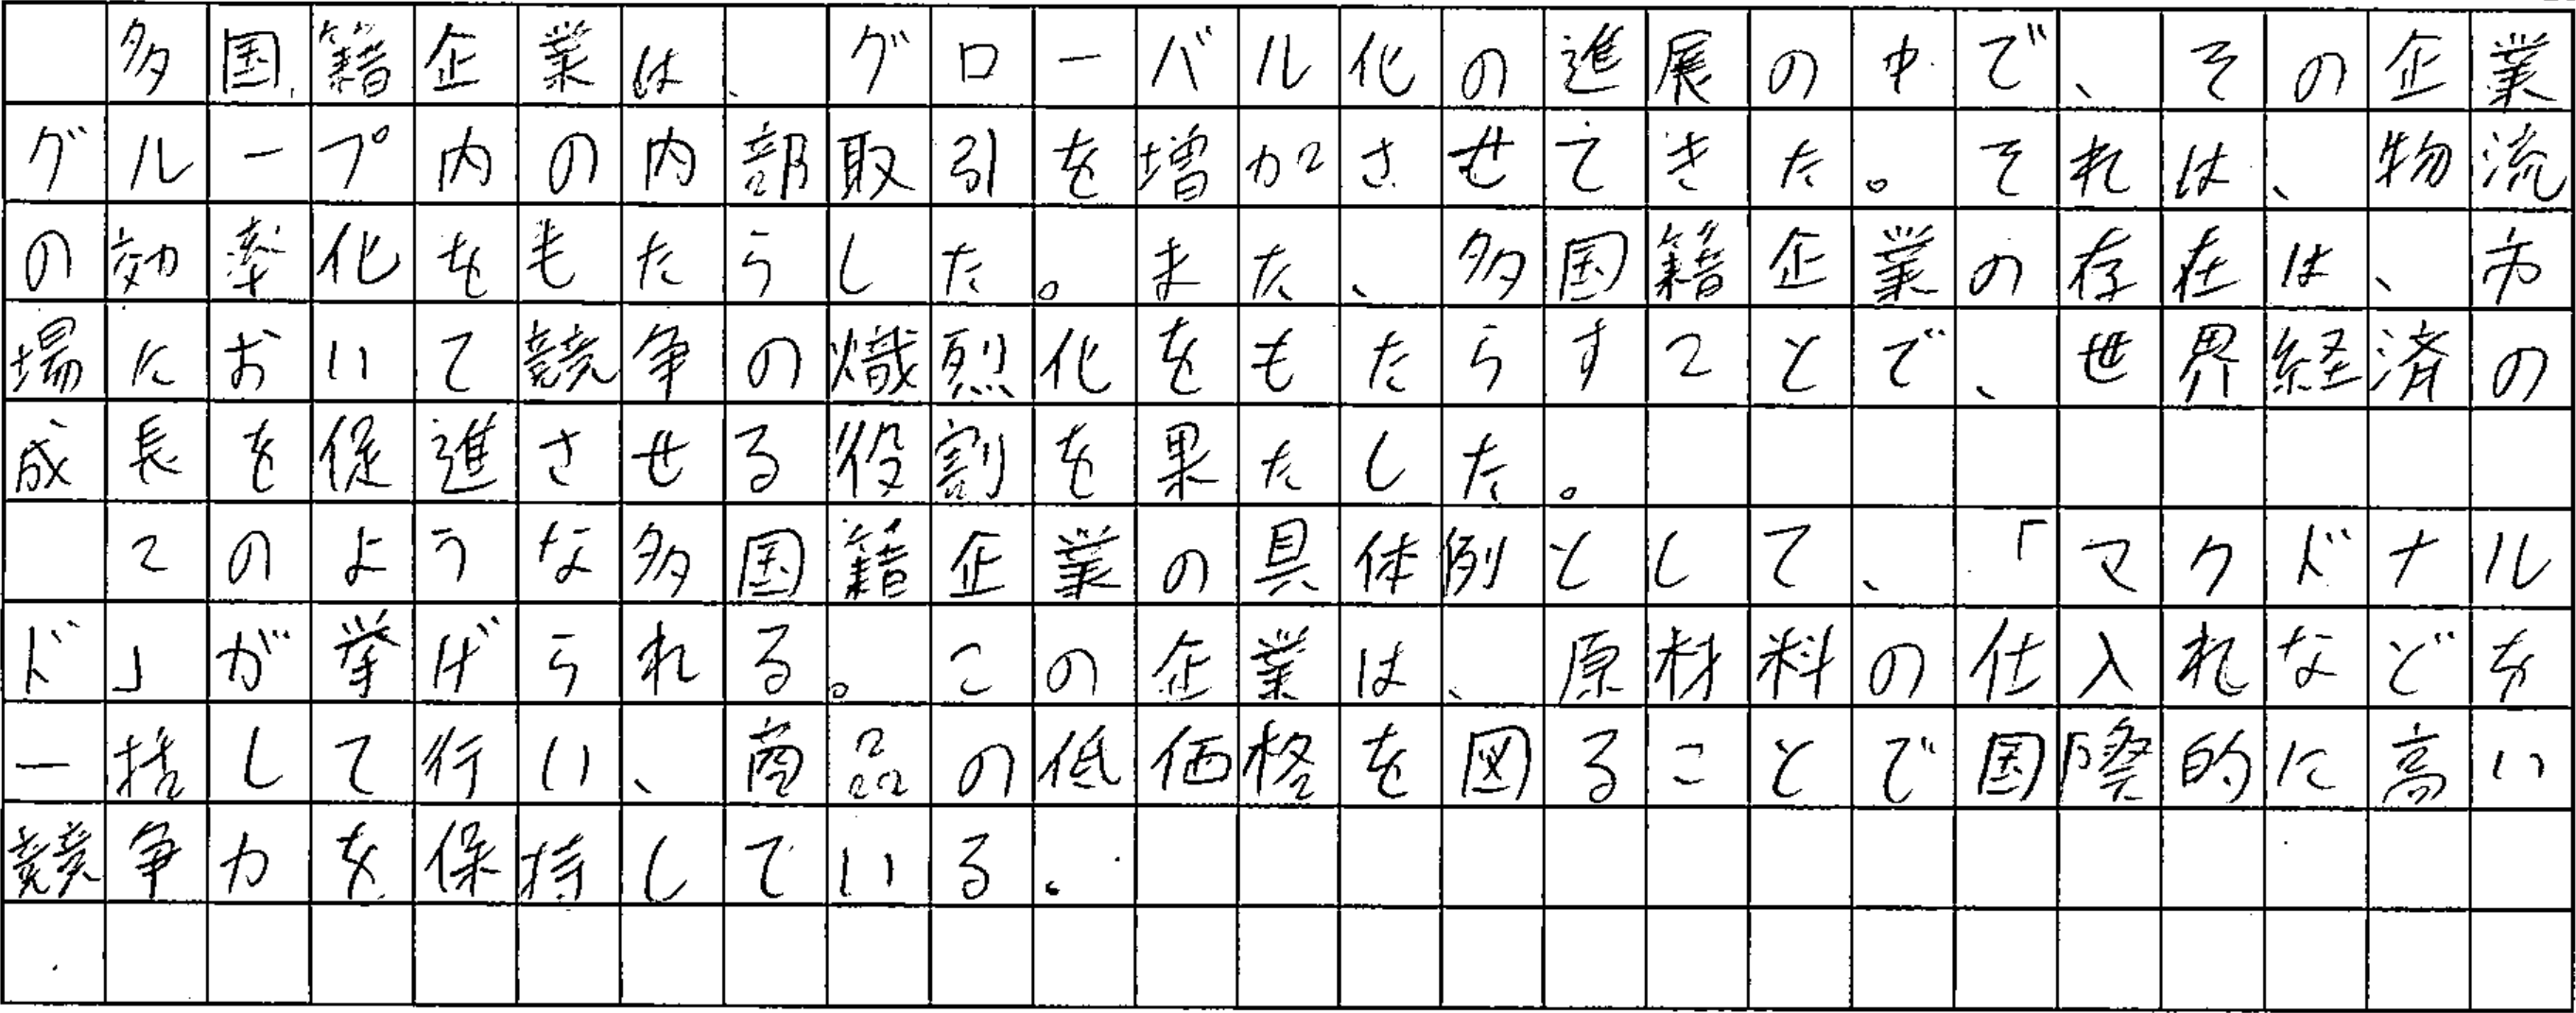　多国籍企業は、グローバル化の進展の中で、その企業グループ内の内部取引を増加させてきた。それは、物流の効率化をもたらした。また、多国籍企業の存在は、市場において競争の熾烈化をもたらすことで、世界経済の成長を促進させる役割を果たした。
　このような多国籍企業の具体例として、「マクドナルド」が挙げられる。この企業は、原材料の仕入れなどを一括して行い、商品の低価格を図ることで国際的に高い競争力を保持している。
